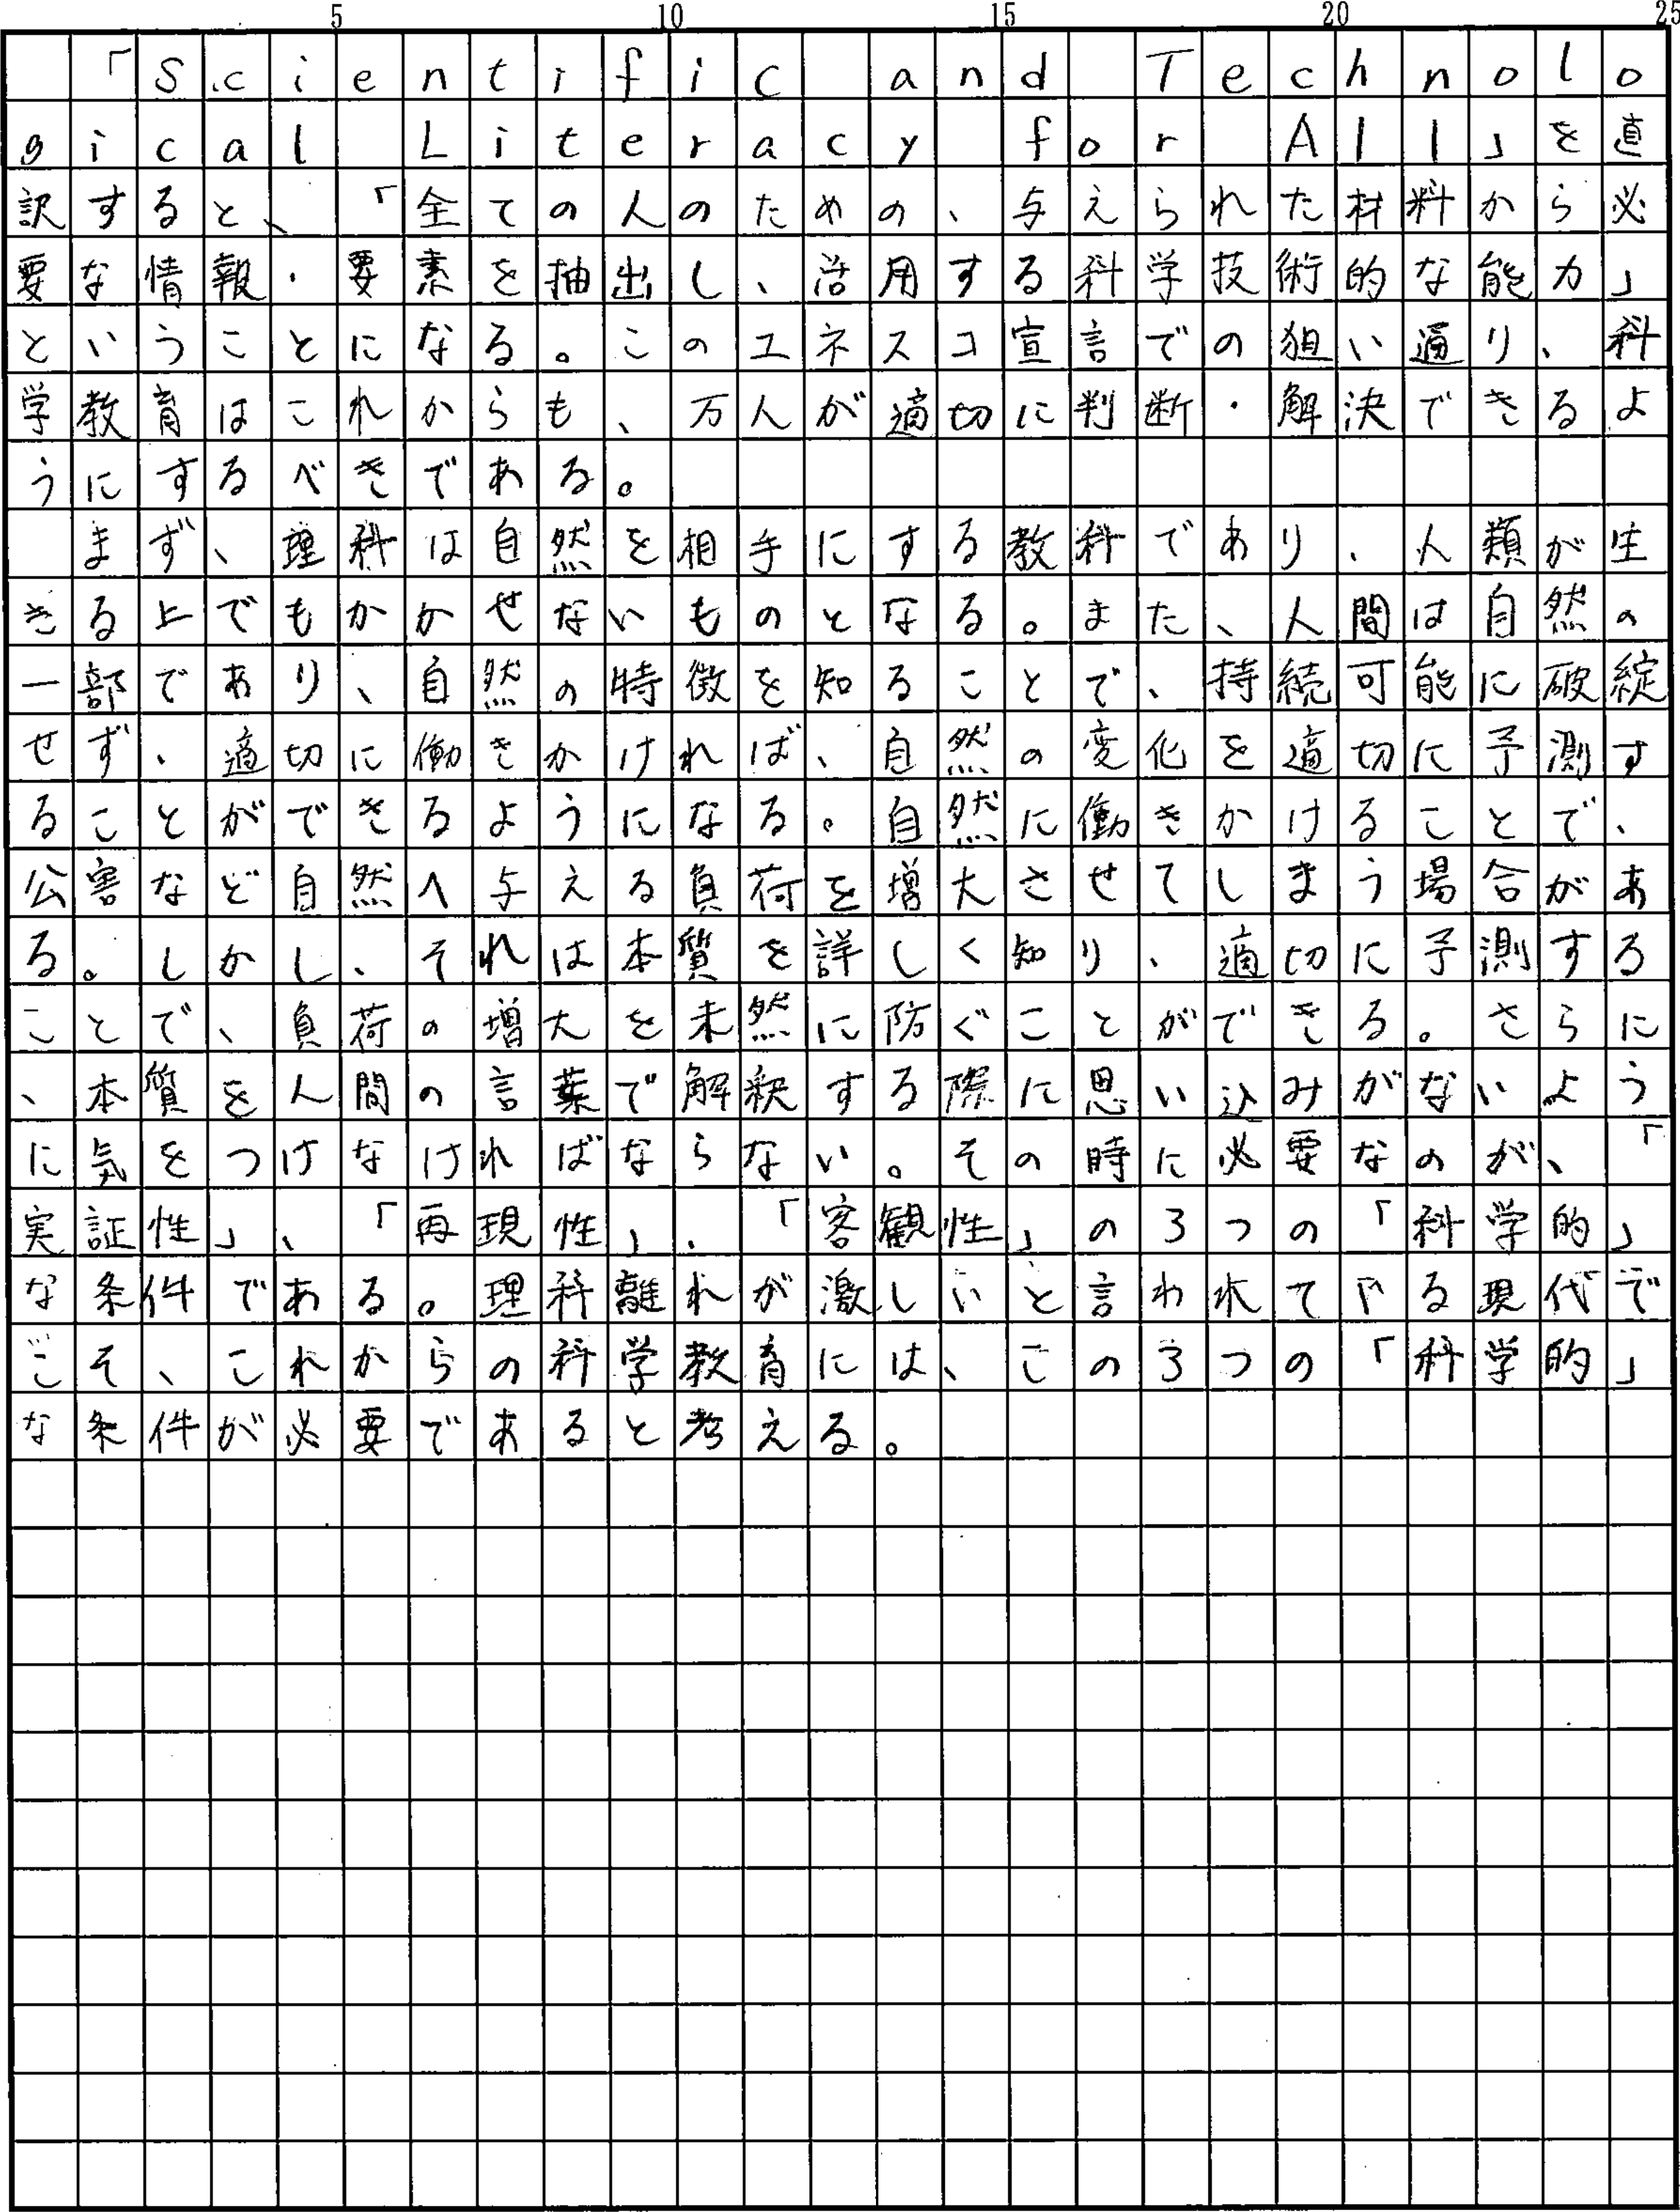　「Ｓｃｉｅｎｔｉｆｉｃ　ａｎｄ　Ｔｅｃｈｎｏｌｏｇｉｃａｌ　Ｌｉｔｅｒａｃｙ　ｆｏｒ　Ａｌｌ」を直訳すると、「全ての人のための、与えられた材料から必要な情報・要素を抽出し、活用する科学技術的な能力」ということになる。このユネスコ宣言での狙い通り、科学教育はこれからも、万人が適切に判断・解決できるようにするべきである。
　まず、理科は自然を相手にする教科であり、人類が生きる上でもかかせないものとなる。また、人間は自然の一部であり、自然の特徴を知ることで、持続可能に破綻せず、適切に働きかければ、自然の変化を適切に予測することができるようになる。自然に働きかけることで、公害など自然へ与える負荷を増大させてしまう場合がある。しかし、それは本質を詳しく知り、適切に予測することで、負荷の増大を未然に防ぐことができる。さらに、本質を人間の言葉で解釈する際に思い込みがないように気をつけなければならない。その時に必要なのが、「実証性」、「再現性」、「客観性」の３つの「科学的」な条件である。理科離れが激しいと言われている現代でこそ、これからの科学教育には、この３つの「科学的」な条件が必要であると考える。
